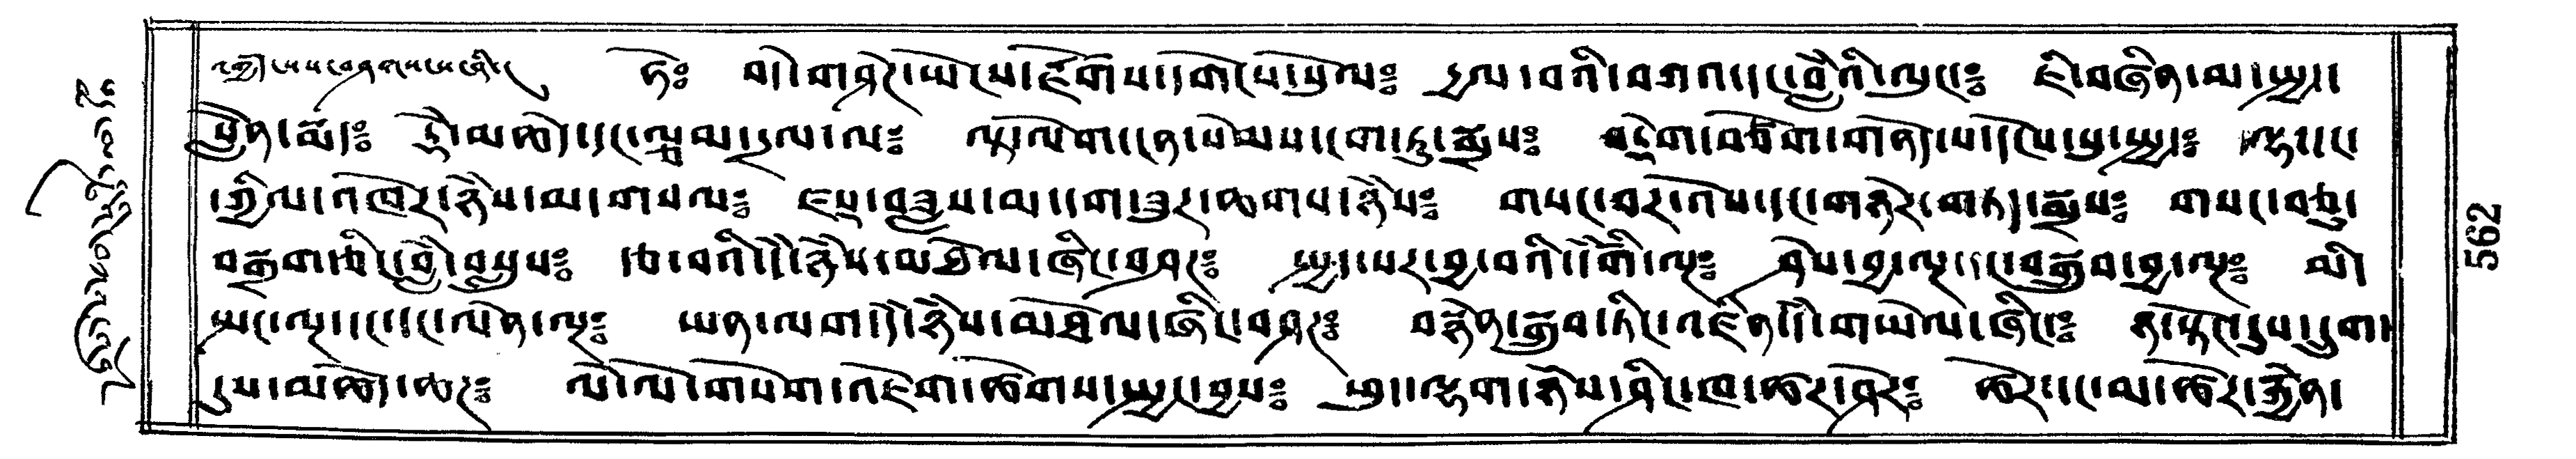འགྱོད་པས་བཤགས་པ་ནི། ཧོཿ བདེ་གཤེགས་ཡོངས་རྫོགས་དགོངས་སུ་གསོལ༔ རྒྱལ་བའི་བཀའ་དང་བླ་མའི་ལུང༔ ཇི་བཞིན་མ་སྤྱད་
སློབ་དཔོན་སྨད༔ རྡོ་རྗེ་མཆེད་དང་ལྕམ་དྲལ་ལ༔ ལྟ་ལོག་ངན་སེམས་ངག་ཏུ་སྨྲས༔ རྡེག་འཚོག་གནོད་པ་དངོས་སུ་སྤྱད༔ ལྷ་དང་
དཀྱིལ་འཁོར་ཉམས་མ་གསལ༔ ཛཔྲ་བཟླས་མ་དག་ཟུར་ཆག་ཉམས༔ གསང་བར་འོས་དང་གཉེར་གཏད་སྨྲས༔ གསང་བཅུ་
བསྒྲགས་ཤིང་བླ་མ་བསླུས༔རྩ་བའི་དམ་ཉམས་མཐོལ་ཞིང་བཤགས༔ སྤྱད་པར་བྱ་བའི་དམ་ཚིག་ལྔ༔ ཤེས་བྱ་ལྔ་དང་བསྒྲུབ་བྱ་ལྔ༔ མི་
སྤང་ལྔ་དང་དང་ལེན་ལྔ༔ ཡན་ལག་དམ་ཉམས་མཐོལ་ཞིང་བཤགས༔ སྙེན་སྒྲུབ་ཏིང་འཛིན་དམ་གཡེལ་ཞིང༔ ཉ་སྟོང་དུས་དྲུག་
དུས་མཆོད་ཆག༔ ལེ་ལོ་གསོག་འཇོག་ཚོགས་སྤྱང་བྱས༔ ཕུད་ལྷག་ཉམས་ཤིང་ཁ་ཚར་ཤོར༔ ཚོར་དང་མ་ཚོར་རྐྱེན་